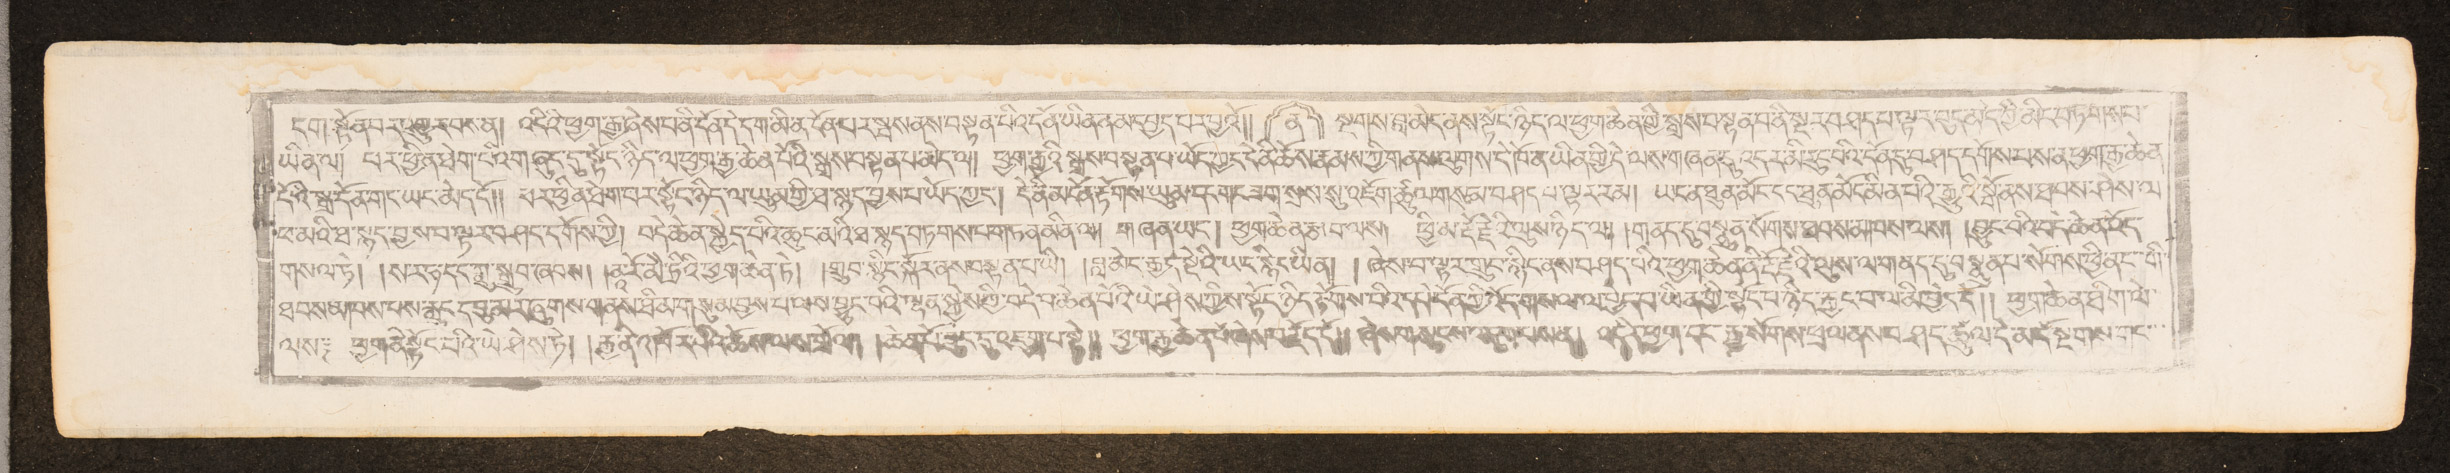དག་སྟོན་པར་འགྱུར་བས་ན། འདིའི་ཕྱག་རྒྱ་ཞེས་པ་ནི་དོན་དེ་དག་མི་མངོན་པར་སྦས་ནས་བསྟན་པའི་འདོན་ཡིན་ནམ་དཔྱད་པར་བྱའོ།། ༼༽ན༼༽ སྔགས་བླ་མེད་ནས་སྟོང་ཉིད་ལ་ཕྱག་ཆེན་གྱི་སྒྲས་བསྟན་པ་ནི་སྔར་བཤད་པ་ལྟར་བུད་མེད་ཀྱི་མིང་བཏགས་པ་
ཡིན་ལ། ཕར་ཕྱིན་ཐེག་པའི་གཞུང་དུ་སྟོང་ཉིད་ལ་ཕྱག་རྒྱ་ཆེན་པོའི་སྒྲས་བསྟན་པ་མེད་ལ། ཕྱག་རྒྱའི་སྒྲས་བསྟན་པ་ཡོད་ཀྱང་དེ་ནི་ཆོས་རྣམས་ཀྱི་གནས་ལུགས་དེ་ཁོ་ན་ཡིན་གྱི་དེ་ལས་གཞན་དུ་འདར་མི་རུང་བའི་དོན་དུ་བཤད་དགོས་པས་ན་ཕྱག་རྒྱ་ཆེན་
པོའི་སྒྲ་དོན་གང་ཡང་མེད་དོ།། ཕར་ཕྱིན་ཧྟེག་པར་སྟོང་ཉིད་ལ་ཡུམ་གྱི་ཐ་སྙད་བྱས་པ་ཡོད་ཀྱང་། དེ་ནི་མངོན་རྟོགས་ཡུམ་དང་གང་ཟག་སྲས་སུ་འཇོག་ཚུལ་གསུམ་བཤད་པ་ལྟར་རམ། ཡང་ན་ཐུན་མོང་དང་ཐུན་མོང་མིན་པའི་རྒྱུའི་སྒོ་ནས་ཐབས་ཤེས་ལ་
ཕ་མའི་ཐ་སྙད་བྱས་པ་ལྟར་བཤད་དགོགས་ཀྱི། བདེ་ཆེན་སྐྱེད་པའི་ཆུང་མའི་ཐ་སྙད་བཏགས་པ་གཏན་མིན་ལ། གཞན་ཡང་། ཕྱག་ཆེན་རྩ་བ་ལས། ཕྱི་མ་རྡོ་རྗེའི་ལུས་ཉིད་ལ། །གནད་དུ་བསྣུན་སོགས་ཐབས་མཁས་ལས། །བྱུང་བའི་བདེ་ཆེན་འོད་
གསལ་ཏེ། །ས་ར་ཧ་དང་ཀླུ་སྒྲུབ་ཞབས། །ནཱ་རོ་མཻ་ཏྲིའི་ཕྱག་ཆེན་ཏེ། །གྲུབ་སྙིང་སྐོར་ནས་བསྟན་པ་ཡི། །བླ་མེད་རྒྱུད་སྡེའི་ཡང་སྙིང་ཡིན། །ཞེས་པ་ལྟར་གྲུབ་སྙིང་ནས་བཤད་པའི་ཕྱག་ཆེན་ནི་རྡོ་རྗེའི་ལུས་ལ་གནད་དུ་བསྣུན་པ་སོགས་ཕྱི་ནང་གི་
ཐབས་མཁས་པས་རླུང་དབུ་མར་ཞུགས་གནས་ཐིམ་གསུམ་བྱས་པ་ལས་བྱུང་བའི་ལྷན་སྐྱེས་ཀྱི་བདེ་བ་ཆེན་པོའི་ཡེ་ཤེས་ཀྱིས་སྟོང་ཉིད་རྟོགས་པའི་དཔེ་དོན་ཀྱི་འོད་གསལ་ལ་བྱེད་པ་ཡིན་གྱི་སྟོང་པ་ཉིད་རྐྱང་བ་ལ་མི་བྱེད་དོ།། ཕྱག་ཆེན་ཐིག་ལེ་
ལས༑ ཕྱག་ནི་སྟོང་པའི་ཡེ་ཤེས་ཏེ། །རྒྱ་ནི་འཁོར་བའི་ཆོས་ལས་གྲོལ། །ཆེན་པོ་ཟུང་དུ་འཇུག་པ་སྟེ།། ཕྱག་རྒྱ་ཆེན་པོ་ཞེས་བརྗོད་དོ།། ཞེས་གསུངས་འདུག་པས་ན། འདིར་ཕྱག་དང་རྒྱ་སོགས་ཕྲལ་ནས་བཤད་ཚུལ་དེ་མདོ་སྔགས་གང་